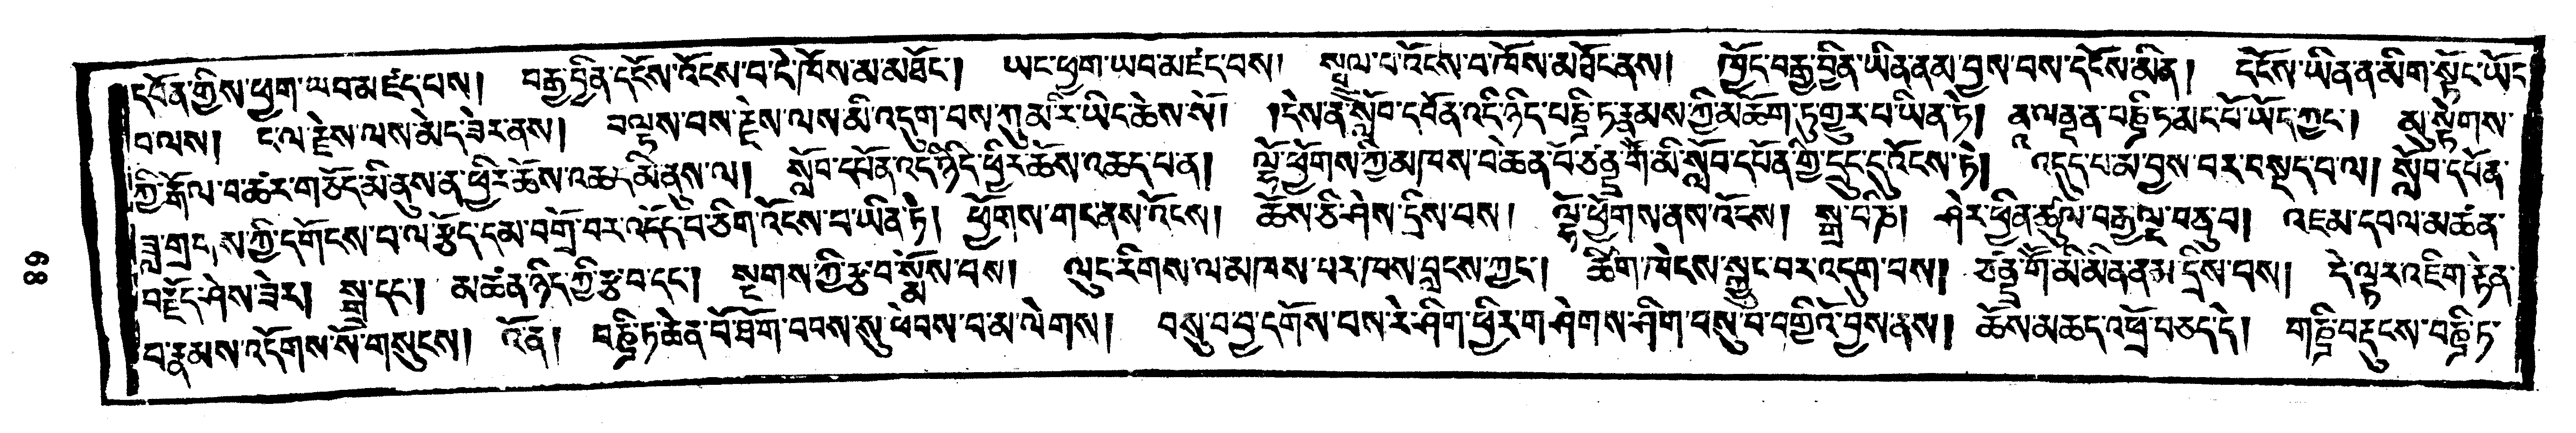དབོན་གྱིས་ཕྱག་ཡབ་མཛད་པས། བརྒྱ་བྱིན་དངོས་འོངས་པ་དེ་ཁོས་མ་མཐོང་། ཡང་ཕྱག་ཡབ་མཛད་པས། སྤྲུལ་པ་འོངས་པ་ཁོས་མཐོང་ནས། ཁྱོད་བརྒྱ་བྱིན་ཡིན་ནམ་བྱས་པས་དངོས་མིན། དངོས་ཡིན་ན་མིག་སྟོང་ཡོད་
པ་ལས། ང་ལ་རྗེས་ལས་མེད་ཟེར་ནས། བལྟས་པས་རྗེས་ལས་མི་འདུག་པས་ཀུ་མ་རི་ཡིད་ཆེས་སོ། །དེས་ན་སློབ་དཔོན་འདི་ཉིད་པཎྜི་ཏ་རྣམས་ཀྱི་མཆོག་ཏུ་གྱུར་པ་ཡིན་ཏེ། ནཱ་ལནྡ་ན་པཎྜི་ཏ་མང་པོ་ཡོད་ཀྱང་། མུ་སྟེགས་
ཀྱི་རྒོལ་བ་ཚར་གཅོད་མི་ནུས་ན་ཕྱིར་ཆོས་འཆད་མི་ནུས་ལ། སློབ་དཔོན་འདི་ཉིད་ཕྱིར་ཆོས་འཆད་པ་ན། ལྷོ་ཕྱོགས་ཀྱི་མཁས་པ་ཆེན་པོ་ཙནྡྲ་གཽ་མི་སློབ་དཔོན་གྱི་དྲུང་དུ་འོངས་ཏེ། འདུད་པ་མ་བྱས་པར་བསྡད་པ་ལ། སློབ་དཔོན་
ཟླ་གྲགས་ཀྱི་དགོངས་པ་ལ་རྩོད་དམ་བགྲོ་བར་འདོད་པ་ཅིག་འོངས་པ་ཡིན་ཏེ། ཕྱོགས་གང་ནས་འོངས། ཆོས་ཅི་ཤེས་དྲིས་པས། ལྷོ་ཕྱོགས་ནས་འོངས། སྒྲ་པཎི། ཤེར་ཕྱིན་ཚུལ་བརྒྱ་ལྔ་བཅུ་པ། འཇམ་དཔལ་མཚན་
བརྗོད་ཤེས་ཟེར། སྒྲ་དང་། མཚན་ཉིད་ཀྱི་རྩ་བ་དང་། སྔགས་ཀྱི་རྩ་བ་སྨོས་པས། ལུང་རིགས་ལ་མཁས་པར་ཁས་བླངས་ཀྱང་། ཚིག་ཁེངས་སྒྱུང་བར་འདུག་པས། ཙནྡྲ་གཽ་མི་མིན་ནམ་དྲིས་པས། དེ་ལྟར་འཇིག་རྟེན་
པ་རྣམས་འདོགས་སོ་གསུངས། འོ་ན། པཎྜི་ཏ་ཆེན་པོ་ཐོག་བབས་སུ་ཕེབས་པ་མ་ལེགས། བསུ་བ་བྱ་དགོས་པས་རེ་ཤིག་ཕྱིར་གཤེགས་ཤིག་བསུ་བ་བགྱིའོ་བྱས་ནས། ཆོས་མཆད་འཕྲོ་བཅད་དེ། གཎྜི་བརྡུངས་པཎྜི་ཏ་